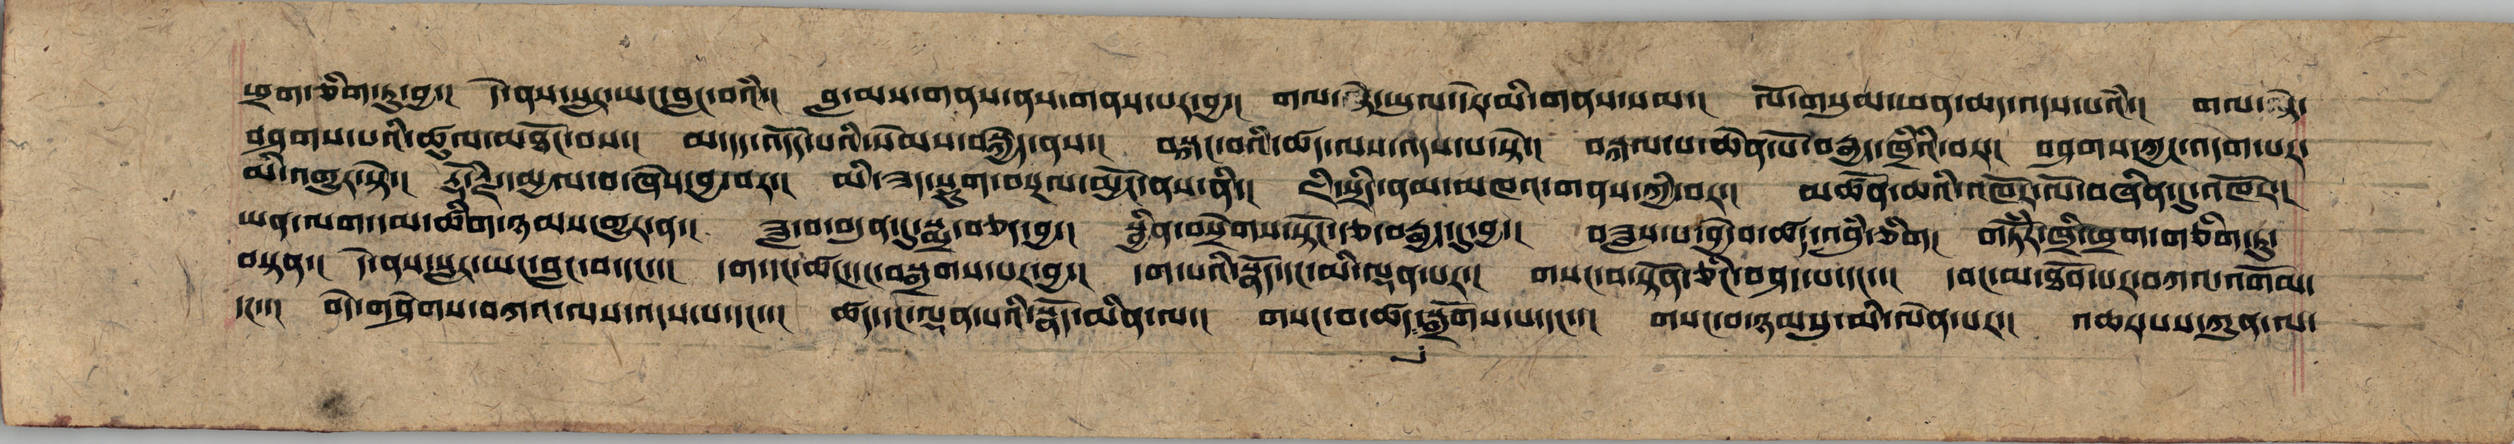ཕྲག་ཅིག་ཏུ་བྱ་། དེ་ནས་སླར་ཡང་བླང་བའཾ་། བླ་མས་གནས་ནས་གནས་པར་བྱ་། གལ་ཏེ་ཡུལ་དེར་མི་གནས་སམ་། ལོ་གསུམ་ཕན་ཆད་འདས་པའཾ་། གལ་ཏེ་
བཤགས་པའི་ཚུལ་མཐོང་བས་། མ་དད་འདོད་པའི་སེམས་བསྐྱེད་ནས་། བསྐང་བའི་ཚད་ལས་འདས་པ་སྟེ་། བསྐལ་པ་ཆེན་པོ་བརྒྱད་ཁྲིའི་བར་། བཤགས་ཀྱང་འདག་པར་
མི་འགྱུར་སྟེ་། རྡོ་རྗེ་དམྱལ་བ་ཞེས་བྱ་བར་། མི་ཟད་སྡུག་བསྔལ་མྱོང་ནས་ནི་། ཇི་སྲིད་ནམ་མཁའ་གནས་ཀྱི་བར་། མཚོན་ཆའི་འཁོར་ལོ་བཞིན་དུ་འཁོར་།
ཡན་ལག་དམ་ཚིག་ཉམས་གྱུར་ན་། ཟླ་བ་བདུན་དུ་སྨྲ་བཅད་བྱ་། སྦྱིན་བསྲེགས་སྟོང་རྩ་བརྒྱད་དུ་བྱ་། བཟླས་པ་བྱེ་བ་ཚད་འབུྃ་ཅིག། གཏོཾར་ཁྲི་ཕྲག་གཅིག་ཏུ་
བསྟན་། དེ་ནས་སླར་ཡང་བླང་བ་དང་་། དག་དང་ཚད་དང་བསྒྲགས་པར་བྱ་། དག་པའི་སྣོད་དང་མི་ལྡན་པར་། གསང་བ་སྟོན་ཅིང་བཤད་པ་དང་་། དབང་མ་ཐོབ་པར་བཀའ་འགོམ་
དང་། བདེ་གཤེགས་བཀའ་ལས་འདས་པ་དང་་། ཚད་དང་ལྡན་པའི་སྣོད་མིན་ལ་། གསང་བ་ཚད་སྒྲོགས་པ་དང་་། གསང་བ་ཉམསུ་མི་ལེན་པར་། འཆར་པས་ཀུན་ལ་